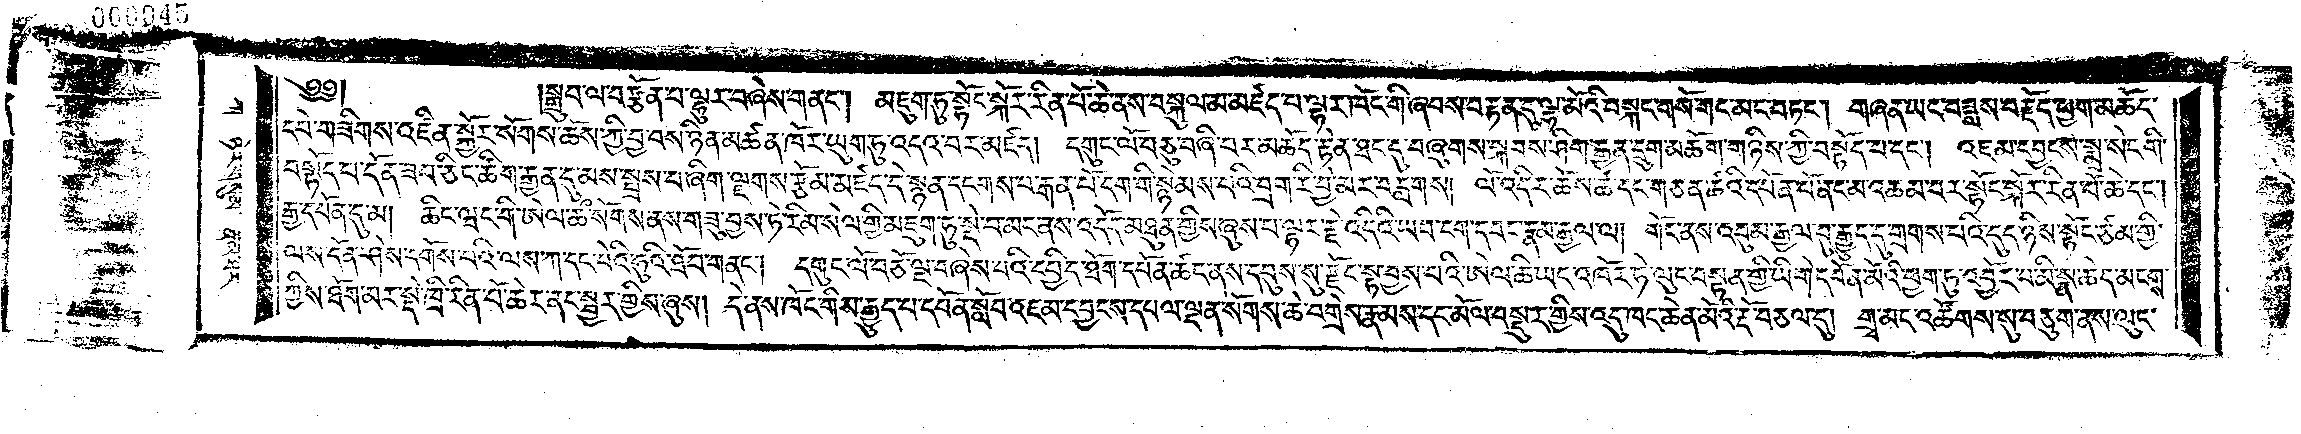༄༅། །སྒྲུབ་ལ་བརྩོན་བ་ལྷུར་བཞེས་གནང་། མཇུག་ཏུ་སྟོང་སྐོར་རིན་པོ་ཆེ་ནས་བསྐུལ་མ་མཛད་པ་ལྟར་ཁོང་གི་ཞབས་བརྟན་དུ་ལྷ་མོའི་བསྐང་གསོ་གང་མང་བཏང་། གཞན་ཡང་བཟླས་བརྗོད་ཕྱག་མཆོད་
དཔེ་གཟིགས་འཛིན་སྐྱོར་སོགས་ཆོས་ཀྱི་བྱ་བས་ཉིན་མཚན་ཁོར་ཡུག་ཏུ་འདའ་བར་མཛད། དགུང་ལོ་བཅུ་བཞི་བར་མཆོད་རྟེན་ཐང་དུ་བཞུགས་སྐབས་ཤིག་རྒྱན་དྲུག་མཆོག་གཉིས་ཀྱི་བསྟོད་པ་དང་། འཇམ་དབྱངས་སྨྲ་སེང་གི་
བསྟོད་པ་དོན་ཟབ་ཅིང་ཚིག་རྒྱན་དུ་མས་སྤྲས་པ་ཞིག་ལྗགས་རྩོམ་མཛད་དེ་སྙན་དངགས་བ་རྒན་པོ་དག་གི་སྙེམས་པའི་བྲག་རི་བྱེ་མར་བརླགས། ལོ་འདིར་ཆོས་ཚ་དང་གཅན་ཚའི་དཔོན་པོ་ནང་མ་འཆམ་པར་སྟོང་སྐོར་རིན་པོ་ཆེ་དང་།
རྒྱ་དཔོན་དུ་མ། ཆིང་ཝང་གི་ཨེལ་ཆྀ་སོགས་ནས་གཟུ་བྱས་ཏེ་རིམ་སེལ་གྱི་མཇུག་ཏུ་སྡེ་བ་མང་ནས་འདོད་མཐུན་གྱིས་ཞུས་པ་ལྟར་རྗེ་འདིའི་ཡབ་ངག་དབང་རྣམ་རྒྱལ་ལ། གོང་ནས་འབུམ་གེ་དཔོན་མོའི་ཕྱག་ཏུ་འབྱོར་པ་མི་སྣ་ཆེད་མངགས་
ཀྱིས་ཐོག་ཤེས་དགོས་པའི་ལས་ཀ་དང་པེའི་ཧུའི་ཐོབ་གནང་། དགུང་ལོ་བཅོ་ལྔ་བཞེས་པའི་དབྱིད་ཐོག་དབོན་ཚང་ནས་དབུས་སུ་རྫོང་སྟ་བྱས་པའི་ཨེལ་ཆི་ཡང་འཁོར་ཏེ་ལུང་བསྟན་གྱི་ཡི་གེ་དཔོན་མོའི་ཕྱག་ཏུ་འབྱོར་པ་མི་སྣ་ཆེད་མངགས་
ཀྱིས་ཐོག་མར་སྡེ་ཁྲི་རིན་པོ་ཆེར་ནང་སྦྱར་གྱིས་ཞུས། དེ་ནས་ཁོང་གིས་རྒྱུད་པ་དཔོན་སློབ་འཇམ་དབྱངས་དཔལ་ལྡན་སོགས་ཆེ་བགྲེས་རྣམས་དང་མོལ་བསྡུར་གྱིས་འདུ་ཁང་ཆེན་མོའི་རྔོ་བཅལ་དུ། གྲྭ་མང་འཚོགས་སུ་བཅུག་ནས་ལུང་